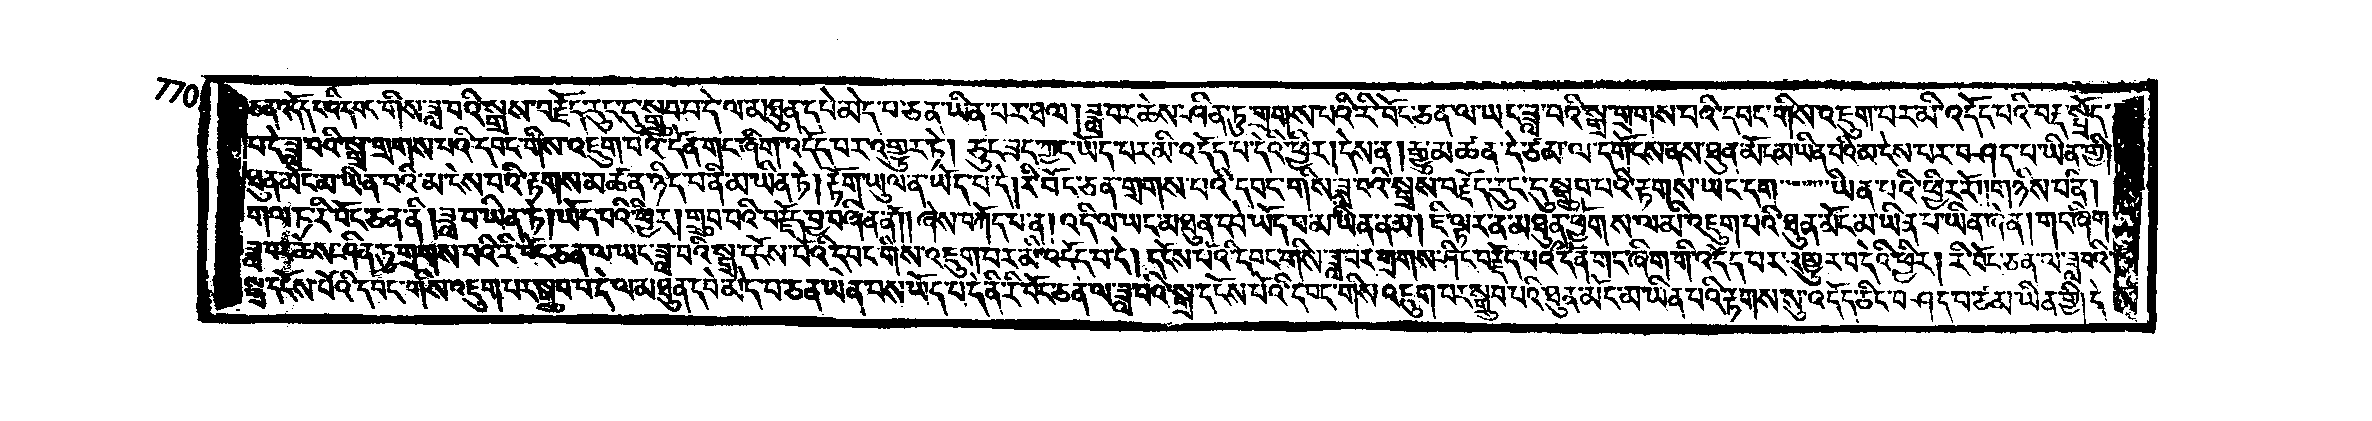ཅན་འདོད་པའི་དབང་གིས་ཟླ་བའི་སྒྲས་བརྗོད་རུང་དུ་སྒྲུབ་པ་དེ་ལ་མཐུན་དཔེ་མེད་པ་ཅན་ཡིན་པར་ཐལ། ཟླ་བར་ཆེས་ཤིན་ཏུ་གྲགས་པའི་རི་བོང་ཅན་ལ་ཀྱང་ཟླ་བའི་སྒྲ་གྲགས་པའི་དབང་གིས་འཇུག་པར་མི་འདོད་པའི་བརྡ་སྤྲོད་
པ་དེ་ཟླ་བའི་སྒྲ་གྲགས་པའི་དབང་གིས་འཇུག་པའི་དོན་གང་ཞིག་འདོད་པར་འགྱུར་ཏེ། ཅུང་ཟད་ཀྱང་ཡོད་པར་མི་འདོད་པ་དེའི་ཕྱིར། དེས་ན། རྒྱུ་མཚན་དེ་ཙམ་ལ་དགོངས་ནས་ཐུན་མོང་མ་ཡིན་པའི་མ་ངེས་པར་བཤད་པ་ཡིན་གྱི།
ཐུན་མོང་མ་ཡིན་པའི་མ་ངེས་པའི་རྟགས་མཚན་ཉིད་པ་ནི་མ་ཡིན་ཏེ། རྟོག་ཡུལ་ན་ཡོད་པ་དེ། རི་བོང་ཅན་གྲགས་པའི་དབང་གིས་ཟླ་བའི་སྒྲས་བརྗོད་རུང་དུ་སྒྲུབ་པའི་རྟགས་ཡང་དག་ཡིན་པའི་ཕྱིར་རོ། །གཉིས་པ་ནི་
གལ་ཏེ་རི་བོང་ཅན་ནི། ཟླ་བ་ཡིན་ཏེ། ཡོད་པའི་ཕྱིར། གྲུབ་པའི་བརྗོད་བྱ་བཞིན་ནོ། །ཞེས་བཀོད་པ་ན། འདི་ལ་ཡང་མཐུན་དཔེ་ཡོད་པ་མ་ཡིན་ནམ། ཇི་ལྟར་ན་མཐུན་ཕྱོགས་ལ་མི་འཇུག་པའི་ཐུན་མོང་མ་ཡིན་པ་ཡིན་ཞེ་ན། གང་ཞིག་
ཟླ་བར་ཆེས་ཤིན་ཏུ་གྲགས་པའི་རི་བོང་ཅན་ལ་ཡང་ཟླ་བའི་སྒྲ་དངོས་པོའི་དབང་གིས་འཇུག་པར་མི་འདོད་པ་དེ། དངོས་པོའི་དབང་གིས་ཟླ་བར་གྲགས་ཤིང་བརྗོད་པའི་དོན་གང་ཞིག་གི་འདོད་པར་འགྱུར་བ་དེའི་ཕྱིར། རི་བོང་ཅན་ལ་ཟླ་བའི་
སྒྲ་དངོས་པོའི་དབང་གིས་འཇུག་པར་སྒྲུབ་པ་དེ་ལ་མཐུན་དཔེ་མེད་པ་ཅན་ཡིན་པས་ཡོད་པ་དེ་ནི་རི་བོང་ཅན་ལ་ཟླ་བའི་སྒྲ་དངོས་པོའི་དབང་གིས་འཇུག་པར་སྒྲུབ་པའི་ཐུན་མོང་མ་ཡིན་པའི་རྟགས་སུ་འདོད་ཅིང་བཤད་པ་ཙམ་ཡིན་གྱི། དེ་